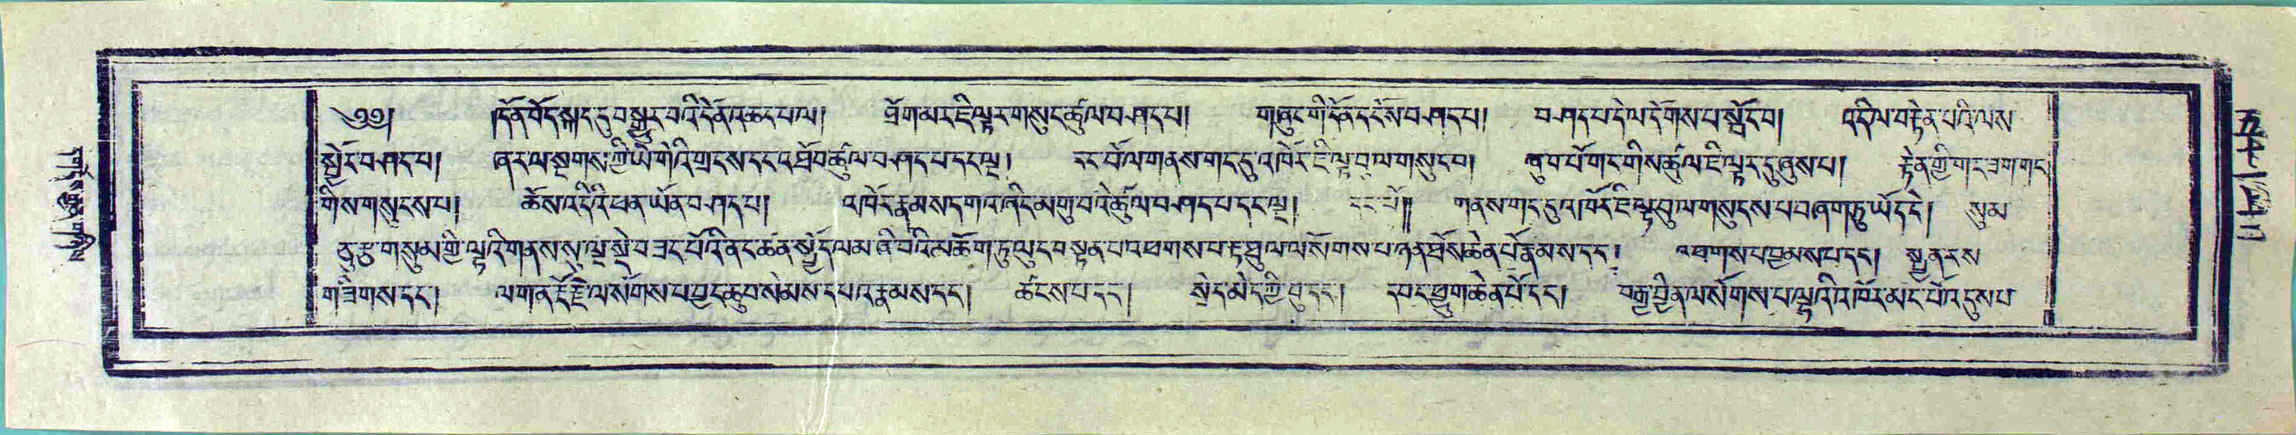དོན་བོད་སྐད་དུ་བསྒྱུར་བའི་དོན་འཆད་པ་ལ། ཐོག་མར་ཇི་ལྟར་གསུང་ཚུལ་བཤད་པ། གཞུང་གི་དོན་
དངོས་བཤད་པ། བཤད་པ་དེ་ལ་དོགས་པ་སྤོང་བ། འདི་ལ་བརྟེན་པའི་ལས་སྦྱོར་བཤད་པ། ཞར་ལ་སྔགས་ཀྱི་ཡི་གེའི་གྲངས་དང་འཐོབ་ཚུལ་བཤད་པ་དང་ལྔ། དང་པོ་གནས་གར་དུ་འཁོར་ཇི་ལྟ་བུ་ལ་གསུང་བ། ཞུབ་པོ་གང་གིས་ཚུལ་ཇི་ལྟར་དུ་ཞུས་པ། རྟེན་གྱི་གང་ཟག་གང་གིས་གསུངས་པ། ཆོས་འདིའི་ཕན་ཡོན་བཤད་པ། འཁོར་རྣམས་དགའ་ཞིང་མགུ་བའི་ཚུལ་
བཤད་པ་དང་ལྔ། དང་པོ། །གནས་གང་རུ་འཁོར་ཇི་ལྟ་བུ་ལ་གསུངས་པ་བཞག་ཏུ་ཡོད་དེ། སུམ་ཅུ་རྩ་གསུམ་གྱི་ལྷའི་གནས་སུ་ལྔ་སྡེ་བཟང་པོའི་ནང་ཚན་སྤྱོད་ལམ་ཞི་བའི་མཆོག་ཏུ་
ལུང་བསྟན་པ་འཕགས་པ་རྟ་ཐུལ་ལ་སོགས་པ་ཉན་ཐོས་ཆེན་པོ་རྣམས་དང་། འཕགས་པ་བྱམས་པ་དང་། སྦྱན་རས་གཟིགས་དང་། ལག་ན་རྡོ་རྗེ་ལ་སོགས་པ་བྱང་ཆུབ་སེམས་དཔའ་
རྣམས་དང་། ཚངས་པ་དང་། སྲིད་མེད་ཀྱི་བུ་དང་། དབང་ཕྱུག་ཆེན་པོ་དང་། བརྒྱ་བྱིན་ལ་སོགས་པ་ལྷའི་འཁོར་མང་པོ་འདུས་བ་